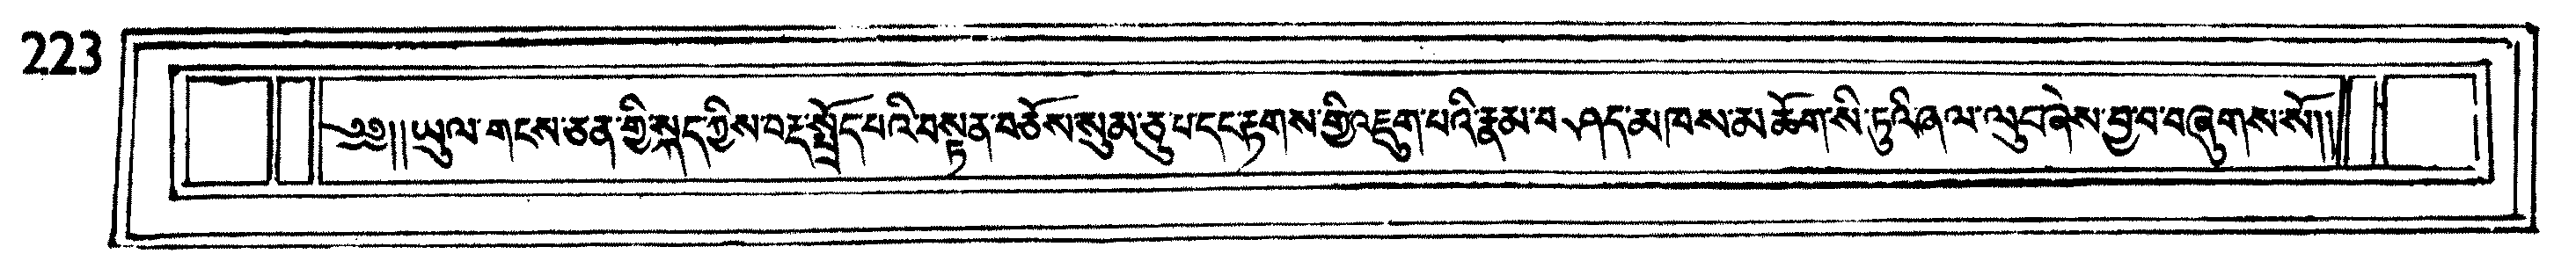༄༅། །ཡུལ་གངས་ཅན་གྱི་སྐད་ཀྱིས་བརྡ་སྤྲོད་པའི་བསྟན་བཅོས་སུམ་ཅུ་པ་དང་རྟགས་གྱི་འཇུག་པའི་རྣམ་བཤད་མཁས་མཆོག་སི་ཏུའི་ཞལ་ལུང་ཞེས་བྱ་བ་བཞུགས་སོ།།